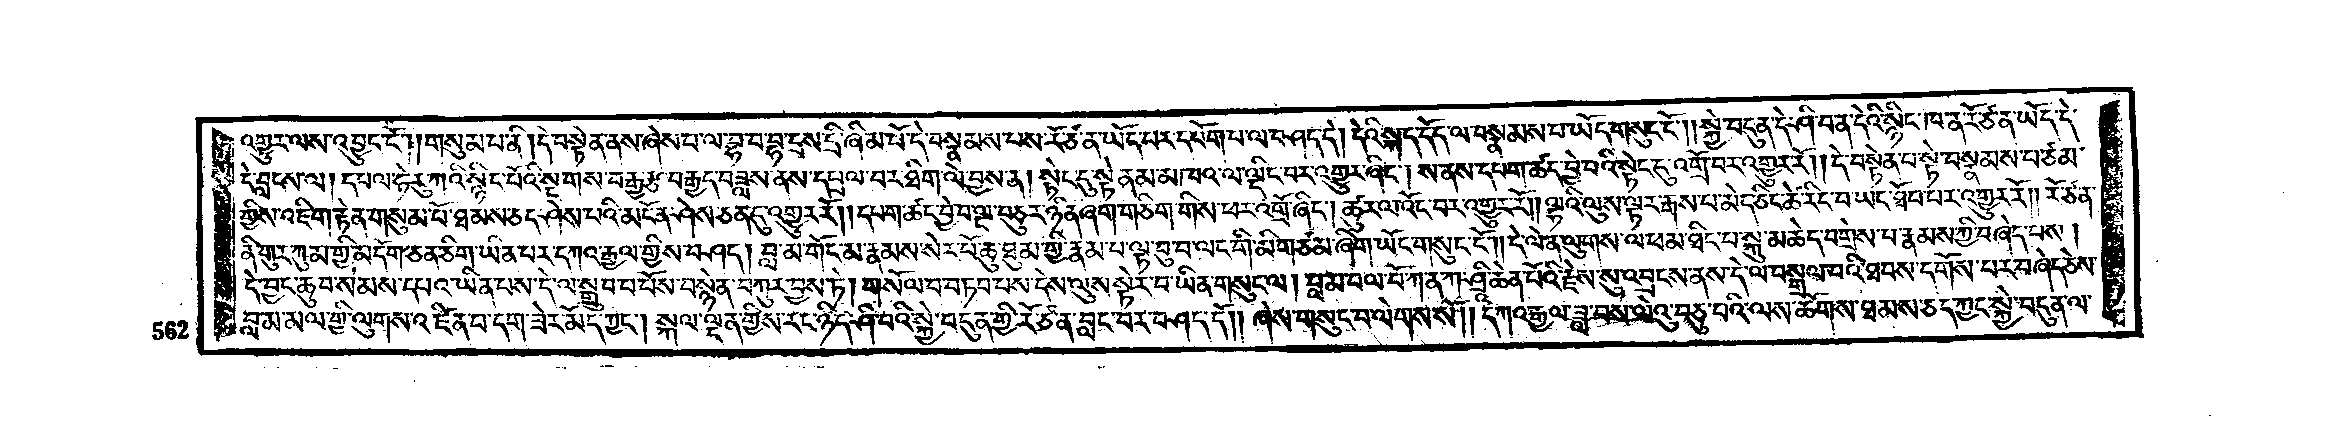འགྱུར་ལས་འབྱུང་ངོ། །གསུམ་པ་ནི། དེ་བསྟེན་ནས་ཞེས་པ་ལ་བྷ་བ་བྷ་དྲས་དྲི་ཞིམ་པོ་དེ་བསྣམས་པས་རོ་ཙ་ན་ཡོད་པར་དཔོག་པ་ལ་བཤད་དེ། དེའི་སྐད་དོད་ལ་བསྣམས་པ་ཡོད་གསུང་ངོ། །སྐྱེ་བདུན་དེ་ཤི་བ་ན་དེའི་སྙིང་ཁ་ན་རོ་ཙ་ན་ཡོད་དེ་
དེ་བླངས་ལ། དཔལ་ཧེ་རུ་ཀའི་སྙིང་པོའི་སྔགས་བརྒྱ་རྩ་བརྒྱད་བཟླས་ནས་དཔྲལ་བར་ཐིག་ལེ་བྱས་ན། སྟེང་དུ་སྟེ་ནམ་མཁའ་ལ་ལྡིང་བར་འགྱུར་ཞིང་། ས་ནས་དཔག་ཚད་བྱེ་བའི་སྟེང་དུ་འགྲོ་བར་འགྱུར་རོ། །དེ་བསྟེན་པ་སྟེ་བསྣམས་པ་ཙམ་
གྱིས་འཇིག་རྟེན་གསུམ་པོ་ཐམས་ཅད་ཤེས་པའི་མངོན་ཤེས་ཅན་དུ་འགྱུར་རོ། །དཔག་ཚད་བྱེ་བ་ལྔ་བཅུར་ཉིན་ཞག་གཅིག་གིས་ཕར་འགྲོ་ཞིང་། ཚུར་ལ་འོང་བར་འགྱུར་རོ། །ལྷའི་ལུས་ལྟར་རྒས་པ་མེད་ཅིང་ཚེ་རིང་བ་ཡང་ཐོབ་པར་འགྱུར་རོ། །རོ་ཙ་ན་
ནི་གུར་ཀུམ་གྱི་མདོག་ཅན་ཅིག་ཡིན་པར་དཀའ་རྒྱལ་གྱིས་བཤད། བླ་མ་གོང་མ་རྣམས་སེར་པོ་ཆུ་ཐུམ་གྱི་རྣམ་པ་ལྟ་བུ་བ་ལང་གི་མིག་ཙམ་ཞིག་ཡོང་གསུང་ངོ། །དེ་ལེན་ལུགས་ལ་ཕམ་ཐིང་པ་སྐུ་མཆེད་བགྲེས་པ་རྣམས་ཀྱི་བཞེད་པས།
དེ་བྱང་ཆུབ་སེམས་དཔའ་ཡིན་པས་དེ་ལ་སྒྲུབ་པ་པོས་བསྙེན་བཀུར་བྱས་ཏེ། གསོལ་བ་བཏབ་པས་དེས་ལུས་སྟེར་བ་ཡིན་གསུང་ལ། བླ་མ་བལ་པོ་ཀ་ན་ཀ་ཤྲཱི་ཆེན་པོའི་རྗེས་སུ་འབྲངས་ནས་དེ་ལ་བསྒྲལ་བའི་ཐབས་དགོས་པར་བཞེད་ཅེས་
བླ་མ་མལ་གྱི་ལུགས་འཛིན་པ་དག་ཟེར་མོད་ཀྱང་། སྐལ་ལྡན་གྱིས་རང་ཉིད་ཤི་བའི་སྐྱེ་བདུན་གྱི་རོ་ཙ་ན་བླང་བར་བཤད་དོ། །ཞེས་གསུང་བ་ལེགས་སོ། །དཀའ་རྒྱལ་ཟླ་བས་ལེའུ་བཅུ་པའི་ལས་ཚོགས་ཐམས་ཅད་ཀྱང་སྐྱེ་བདུན་ལ་